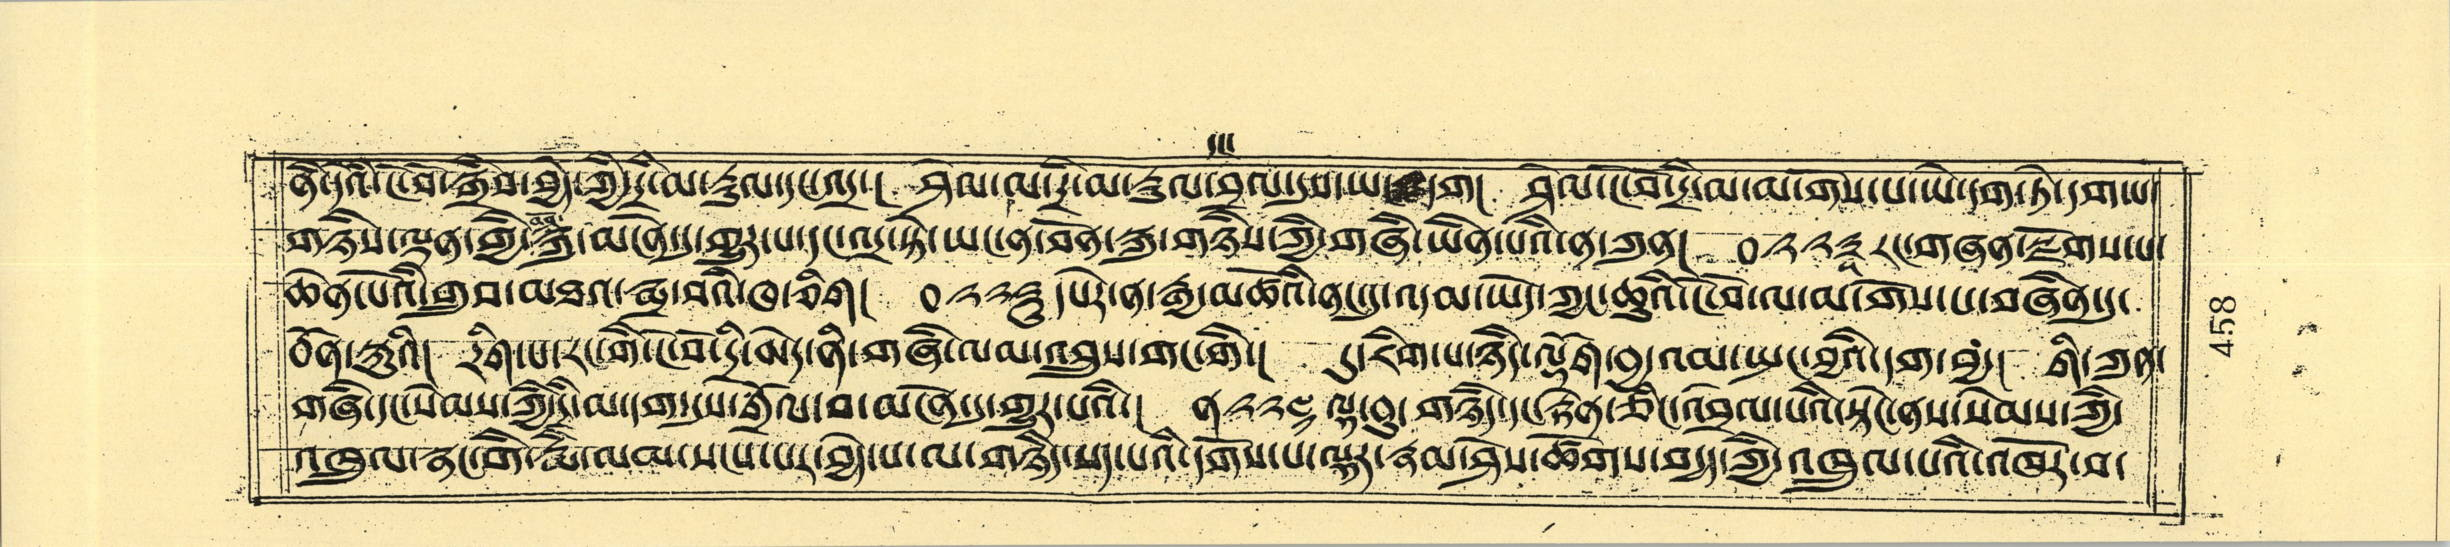ནི་དེའི་ངོ་བོ་སྒྲིབ་བྱེད་ཀྱི་དྲི་མ་རྡུལ་དང་འདྲ། ཤེལ་ལ་དྲི་མ་རྡུལ་དང་བྲལ་དུས་ཡང་དག ཤེལ་ངོ་བོ་དྲི་མས་མ་གོས་པ་ཡེ་དག་སྟེ་དག་པ་
གཉིས་ལྡན་གྱི་བོན་སྐུ་མངོན་དུ་གྱུར་པ་དང་འདྲ་སྟེ་ཡང་ན་བོན་སྐུ་གཉིས་ཀྱི་གཞི་ཡིན་པས་ན་ཀུན། བ༢༢༣།༥ རང་གཞན་རྫོགས་པ་
ཆེན་པོའི་གྲུབ་མཐའ་སྨྲ་བའི་༼ཁ་ཅིག༽བ༢༢༣།༦དཔེར་ན་རྒྱ་མཚོའི་ནང་དུ་འདམ་ཡོད་ཀྱང་ཆུའི་ངོ་བོ་ལ་མ་གོས་པ་བཞིན་དུ་
༼བོན་སྐུའི༽༼རིག་པ༽རང་གི་ངོ་བོ་༼དྲི་མེད་ནི༽གཞི་ལམ་འབྲས་བུ་གང་གི་དུ་རིག་པ་ཉིད་༼ལྡོག་བྱའམ༽སྤང་བྱའི་དག་བྱ་༼གི༽ཀུན་
གཞི་དང་སེམས་ཀྱི་དྲི་མ་དག་དུས་༼གྲོལ་བ༽མངོན་དུ་གྱུར་པའི་ན༢༢༤།༡༼ལྟ་བུ༽གཉིད་དང་རྟེན་ཅིང་འབྲེལ་བའི་སྟེང་ནས་སེམས་ཀྱི་
འཁྲུལ་སྣང་གི་རྨི་ལམ་སངས་པར་བྱེད་པ་ལ་གཉིད་སད་པའི་དགོས་པ་ལྟར་རྣམ་ཤེས་ཚོགས་བརྒྱད་ཀྱི་འཁྲུལ་པའི་འཁོར་བ་